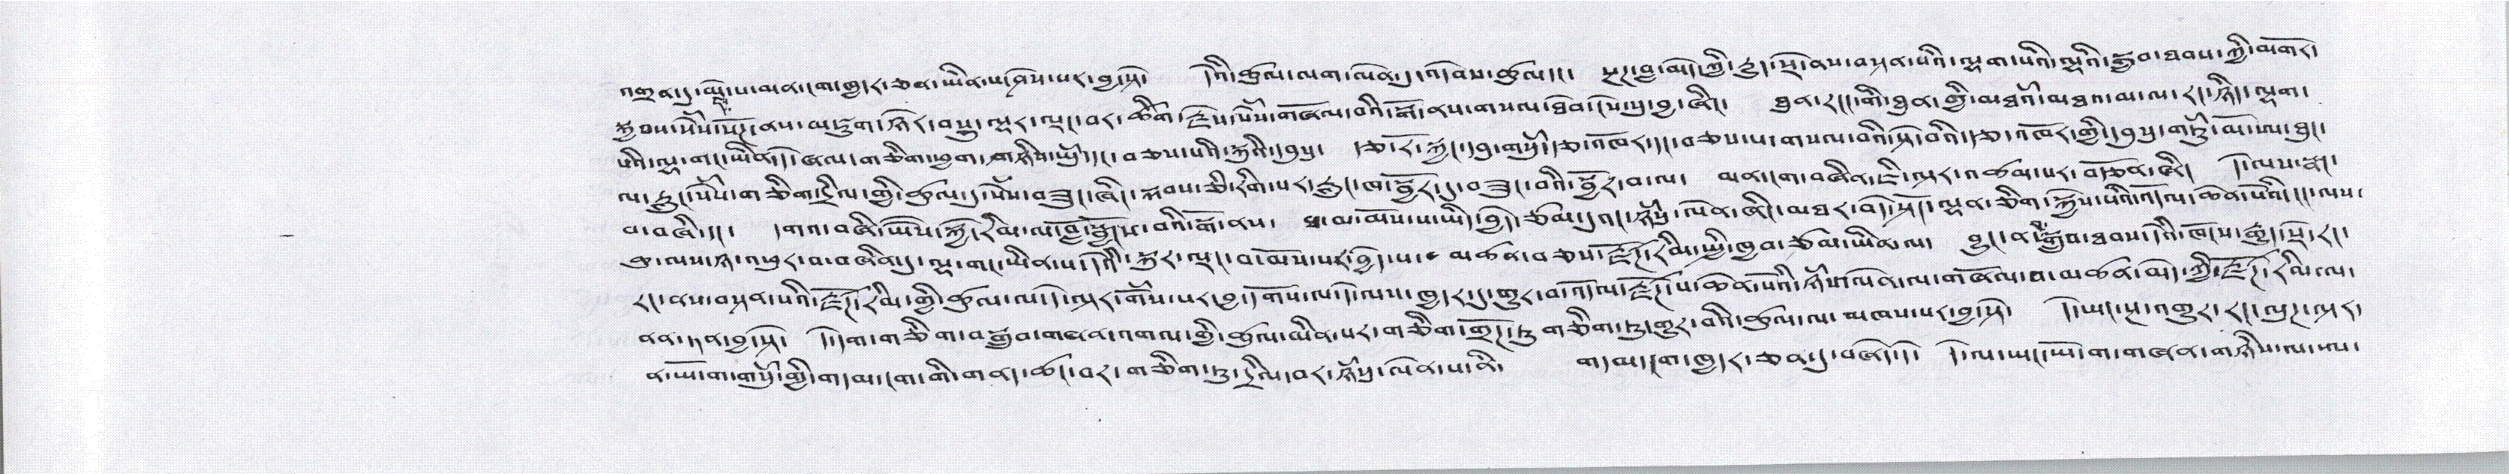འགྲན་དུ་མེད་པ་མན་ངག་ཁྱད་པར་ཅན་ཡིན་པ་ཤེས་པར་བྱ་སྟེ། དེའི་ཚུལ་ལག་ལེན་དུ་འདེབས་ཚུལ། སྔགས་བླ་མེད་རྒྱུད་སྡེ་ནས་བསྟན་པའི་ལྷག་པའི་ལྷའི་སྒྲུབ་ཐབས་ཀྱི་འགོར་
སྐྱབས་སེམས་སོགས་ནས་མཇུག་ཉེར་བསྡུ་ལྷར་ལྡང་བར་ཚིག་རྗེས་སེམས་གཞོལ་བའི་སྒོ་ནས་གསལ་ཐེབས་ངེས་སུ་བྱ་ཞིང་། ཐུན་རང་རང་གི་ཐུན་གྱི་མཐའ་འམ་མཐའ་མ་ལ་རང་ཉིད་ལྷག་
པའི་ལྷ་གང་ཡིན་དེ་ཞལ་གཅིག་ཕྱག་གཉིས་ཡུམ་དང་བཅས་པའི་སྐུ་ཡི་དབུས་སུ། རྩ་རོ་རྐྱང་དབུ་གསུམ་རྩ་འཁོར་དང་བཅས་པ་གསལ་བའི་ལྟེ་བའི་རྩ་འཁོར་གྱི་དབུས་སུ་གཏུམ་མོ་ཨ་ཐུང་
ལ་རླུང་སེམས་གཅིག་དྲིལ་གྱི་ཚུལ་དུ་སེམས་བཟུང་ཞིང་སྐབས་ཅི་རིགས་པར་རླུང་ཁ་སྦྱོར་དུ་བཟུང་བའི་སྦྱོར་བ་ལ་མན་ངག་བཞིན་ཇི་ལྟར་འཚམས་པར་བརྩོན་ཞིང་། དེ་ལས་སྣང
་བ་བཞི་དང་། དགའ་བཞི་ཡེ་ཤེས་སྐྱེ་རིམ་ལ་བློ་སྦྱོང་བའི་སྒོ་ནས་ཐ་མ་མོས་པ་ཡིད་བྱེད་ཙམ་དུའང་ཉམས་སུ་ལེན་ཞིང་། མཐར་བདེ་སྟོང་ལྷན་ཅིག་སྐྱེས་པའི་འོད་གསལ་ཆེན་པོའི་ངང་ལ་
ཆུ་ལས་ཉ་འཕུར་བ་བཞིན་དུ་ལྷ་གང་ཡིན་པ་དེའི་སྐུར་ལྡང་བ་མོས་པར་བྱེད་པ་མཚན་བཅས་རྫོགས་རིམ་སྤྱི་ཁྱབ་ཙམ་ཡིན་ལ། བྱང་ཆུབ་སྒྲུབ་ཐབས་དེའི་ཁོངས་རྒྱུད་སྡེ་རང་
རང་ནས་བསྟན་པའི་རྫོགས་རིམ་གྱི་ཚུལ་ལ་དེ་ལྟར་གོམས་པར་བྱ་དགོས་ལ་དེ་ལས་ཁྱད་པར་དུ་གྱུར་པ་འོད་གསལ་རྫོགས་པ་ཆེན་པོའི་ཉམས་ལེན་ལ་གཞོལ་བ་མཚན་མེད་ཀྱི་རྫོགས་རིམ་ལ་
ནན་ཏན་བྱ་སྟེ། དེ་དག་གཅིག་སྒྲུབ་གཞན་འགལ་གྱི་ཚུལ་མིན་པར་གཅིག་གྲོགས་གཅིག་ཏུ་གྱུར་པའི་ཚུལ་ལ་མཁས་པར་བྱ་སྟེ། དེ་ཡང་སྔ་འགྱུར་རང་ལུགས་ལྟར་
ན་ཡོ་ག་གསུམ་གྱི་གདམས་ངག་གི་གནད་ཚང་བར་གཅིག་ཏུ་དྲིལ་བར་ཉམས་སུ་ལེན་པ་ནི། གདམས་ངག་ཁྱད་པར་ཅན་དུ་བཞེད་དེ། དེ་ལ་ཡང་ཡོ་ག་གཞན་གཉིས་ལ་ཨ་